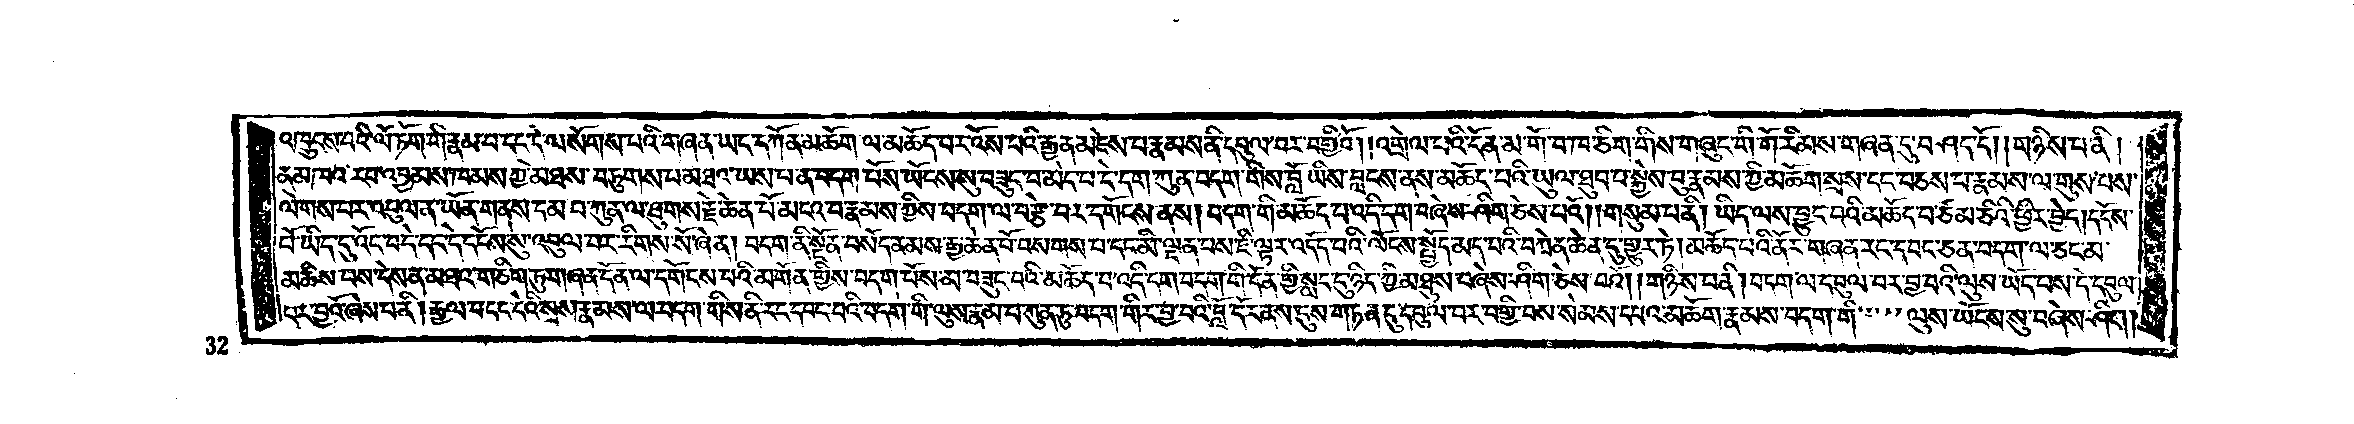འཁྲུངས་པའི་ལོ་ཏོག་གི་རྣམ་པ་དང་དེ་ལ་སོགས་པའི་གཞན་ཡང་དཀོན་མཆོག་ལ་མཆོད་པར་འོས་པའི་རྒྱན་མཛེས་པ་རྣམས་ནི་དབུལ་བར་བགྱུའོ། །འགྲེལ་པའི་དོན་མ་གོ་བ་ཁ་ཅིག་གིས་གཞུང་གི་གོ་རིམས་གཞན་དུ་བཤད་དོ། །གཉིས་པ་ནི།
ནམ་མཁའ་རབ་འབྱམས་ཁམས་ཀྱི་མཐས་བཏུགས་པ་མཐའ་ཡས་པ་ན་བདག་པོས་ཡོངས་སུ་བཟུང་བ་མེད་པ་དེ་དག་ཀུན་བདག་གིས་བློ་ཡིས་བླངས་ནས་མཆོད་པའི་ཡུལ་ཐུབ་པ་སྐྱེས་བུ་རྣམས་ཀྱི་མཆོག་སྲས་དང་བཅས་པ་རྣམས་ལ་གུས་པས་
ལེགས་པར་འབུལ་ན་ཡོན་གནས་དམ་པ་ཀུན་ལ་ཐུགས་རྗེ་ཆེན་པོ་མངའ་བ་རྣམས་ཀྱིས་བདག་ལ་བརྩེ་བར་དགོངས་ནས། བདག་གི་མཆོད་པ་འདི་དག་བཞེས་ཤིག་ཅེས་པའོ། །གསུམ་པ་ནི། ཡིད་ལས་བྱུང་བའི་མཆོད་པ་ཙམ་ཅིའི་ཕྱིར་བྱེད། དངོས་
པོ་ཡིད་དུ་འོང་བ་དེ་དང་དེ་དངོས་སུ་འབུལ་བར་རིགས་སོ་ཞེ་ན། བདག་ནི་སྔོན་བསོད་ནམས་རྒྱ་ཆེན་པོ་བསགས་པ་དང་མི་ལྡན་པས་ཇི་ལྟར་འདོད་པའི་ལོངས་སྤྱོད་མེད་པའི་བཀྲེན་ཆེན་དུ་གྱུར་ཏེ། མཆོད་པའི་ནོར་གཞན་རང་དབང་ཅན་བདག་ལ་ཅང་མ་
མཆིས་པས་དེས་ན་མཐའ་གཅིག་ཏུ་གཞན་དོན་ལ་དགོངས་པའི་མགོན་གྱིས་བདག་པོས་མ་བཟུང་བའི་མཆོད་པ་འདི་དག་བདག་གི་དོན་གྱི་སླང་དུ་ཉིད་ཀྱི་མཐུས་པ་ཞེས་ཤིག་ཅེས་པའོ། །གཉིས་པ་ནི། བདག་ལ་དབུལ་བར་བྱ་བའི་ལུས་ཡོད་པས་དེ་དབུལ་
བར་བྱའོ་ཞེས་པ་ནི། རྒྱལ་བ་དང་དེའི་སྲས་རྣམས་ལ་བདག་གིས་ནི་རང་དབང་བའི་བདག་གི་ལུས་རྣམ་པ་ཀུན་ཏུ་བདག་གིར་བྱ་བའི་བློ་དོར་ནས་དུས་གཏན་དུ་དབུལ་བར་བགྱི་བས་སེམས་དཔའ་མཆོག་རྣམས་བདག་གི་ལུས་ཡོངས་སུ་བཞེས་ཤིང་། །